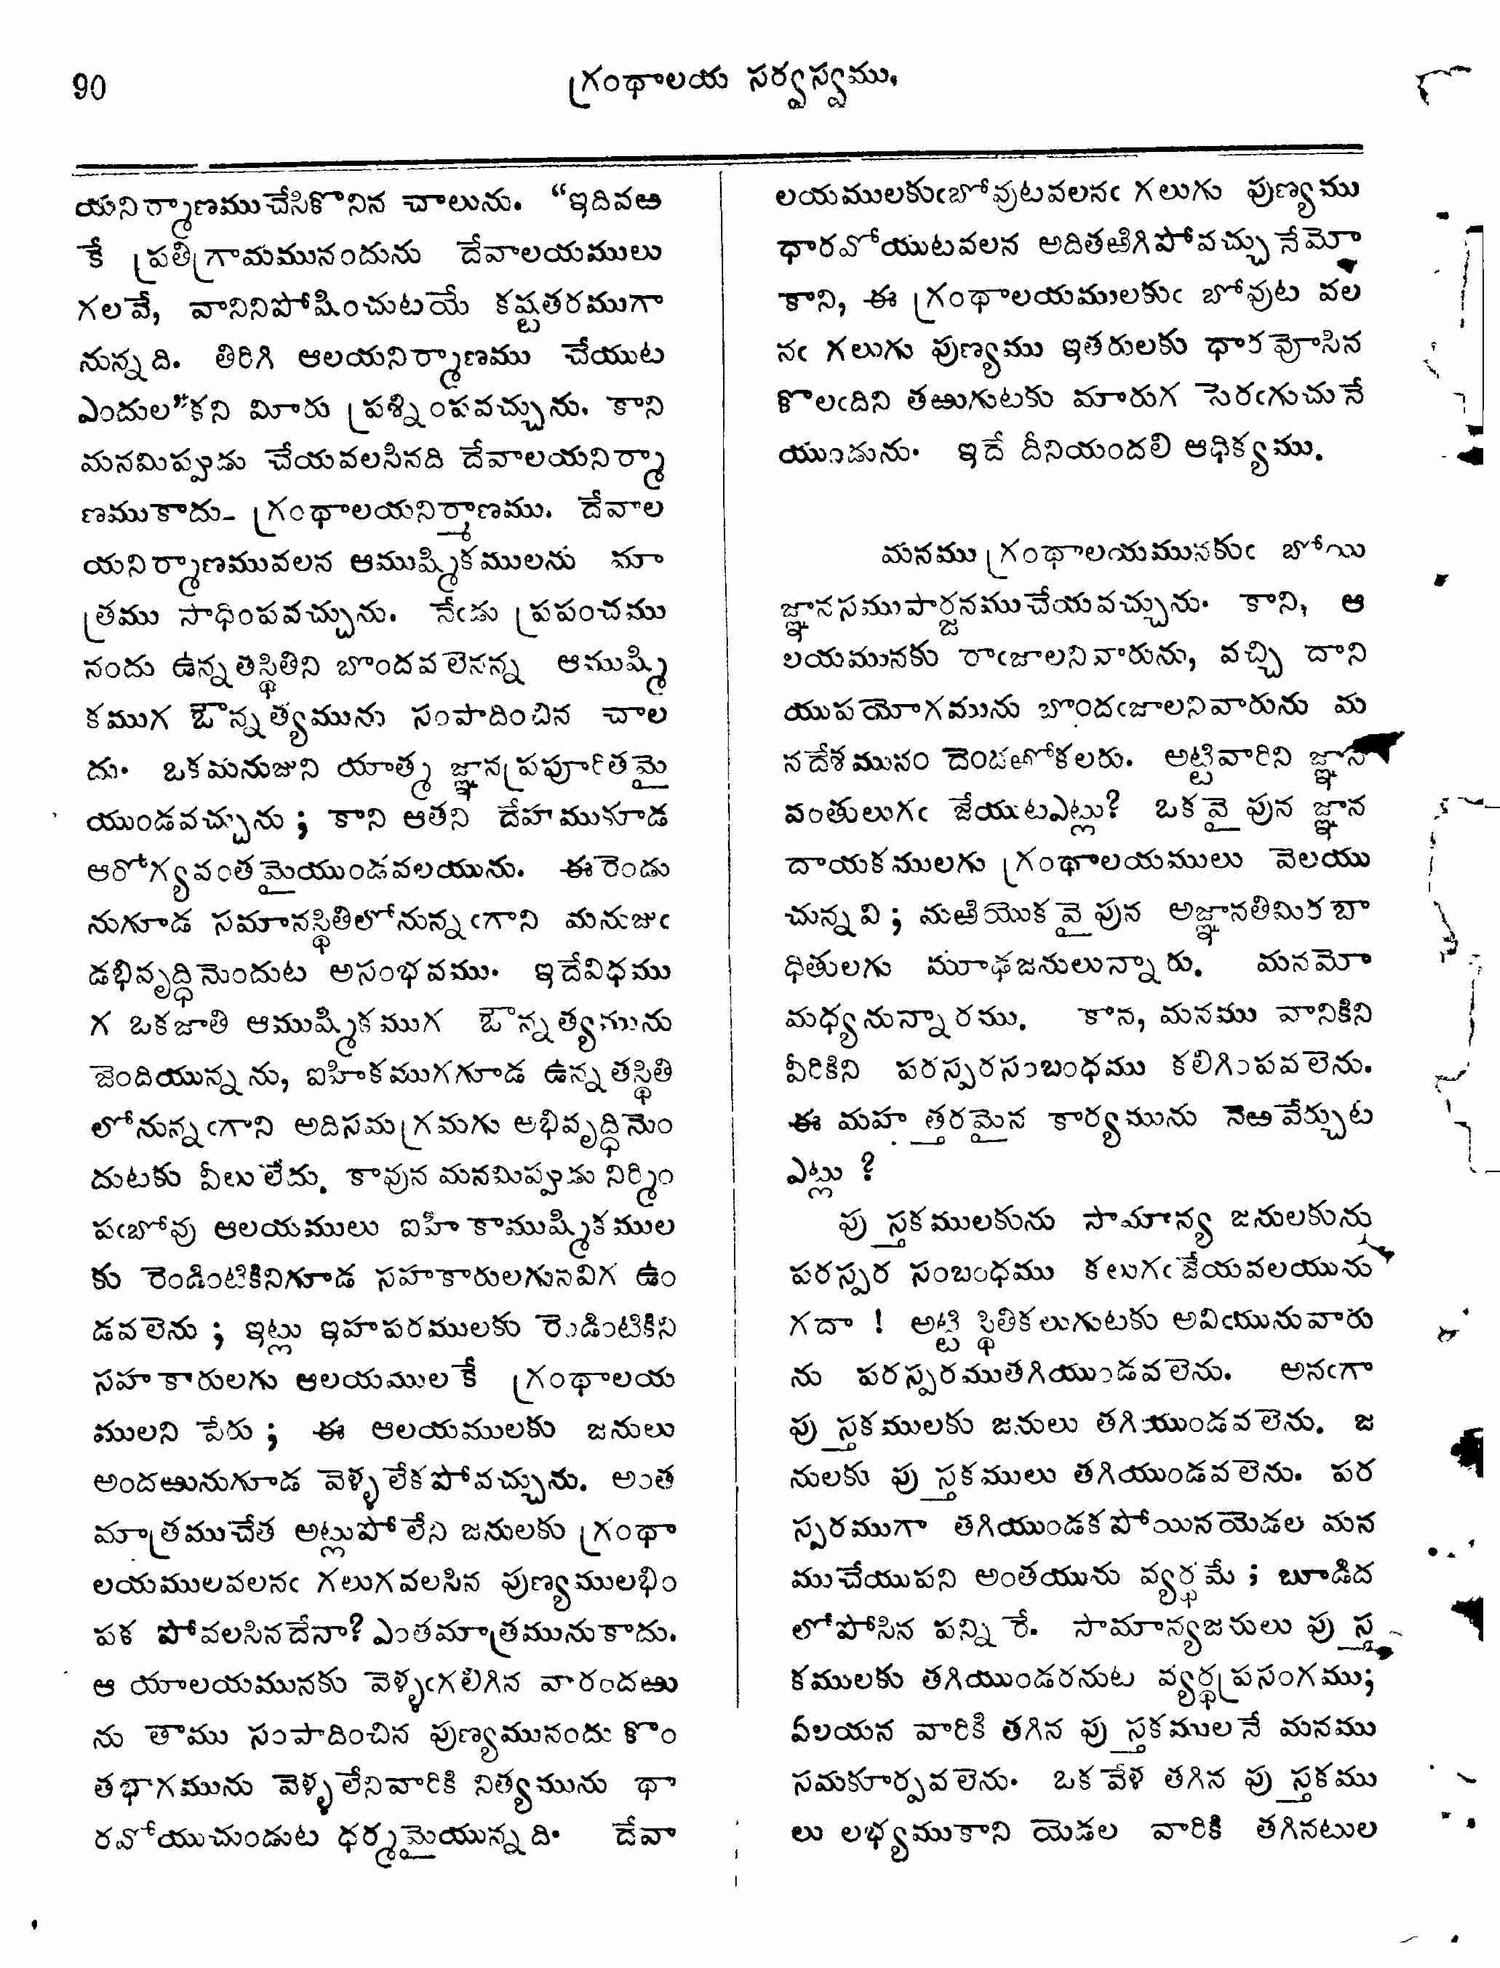యని ర్మాణము చేసికొనిన చాలును. “ఇదివఱ
కే ప్రతిగ్రామమునందును దేవాలయములు
గలవే, వానినిపోషించుటయే కష్టతరముగా
నున్నది. తిరిగి ఆలయనిర్మాణము చేయుట
ఎందుల”కని మీరు ప్రశ్నింపవచ్చును. కాని
మనమిప్పుడు చేయవలసినది దేవాలయనిర్మా
ణముకాదు. గ్రంథాలయనిర్మాణము. దేవాల
యనిర్మాణమువలన ఆముష్మికములను మా
త్రము సాధింపవచ్చును. నేఁడు ప్రపంచము
నందు ఉన్నత స్థితిని బొందవలెనన్న ఆముష్మికముగ ఔన్నత్యమును సంపాదించిన చాలదు. ఒక మనుజుని యాత్మ జ్ఞానప్రపూతమై
యుండవచ్చును; కాని ఆతని దేహము కూడ
ఆరోగ్యవంత మైయుండవలయును. ఈ రెండునుగూడ సమానస్థితిలోనున్నఁగాని మనుజుఁడభివృద్ధి నొందుట అసంభవము. ఇదేవిధముగ ఒకజాతి ఆముష్మికముగ ఔన్నత్యమును
జెందియున్నను, ఐహికముగగూడ ఉన్నత స్థితిలోనున్నఁగాని అది సమగ్రమగు అభివృద్ధినొందుటకు వీలు లేదు. కావున మనమిప్పుడు నిర్మింపఁబోవు ఆలయములు ఐహీకాముష్మికములకు రెండింటికినిగూడ సహకారులగునవిగ ఉండవలెను; ఇట్లు ఇహపరములకు రెండింటికిని
సహకారులగు ఆలయములకే గ్రంథాలయములని పేరు ; ఈ ఆలయములకు జనులు
అందఱునుగూడ వెళ్ళలేకపోవచ్చును. అంత
మాత్రముచేత అట్లుపోలేని జనులకు గ్రంథా
లయములవలనఁ గలుగవలసిన పుణ్యము లభింపక పోవలసినదేనా? ఎంతమాత్రమును కాదు.
ఆ యాలయమునకు వెళ్ళఁగలిగిన వారందఱును తాము సంపాదించిన పుణ్యమునందు కొంతభాగమును వెళ్ళలేనివారికి నిత్యమును థారవోయుచుండుట ధర్మమైయున్నది. దేవాలయములకుఁ బోవుటవలనఁ గలుగు పుణ్యము ఇతరులకు
ధారవోయుటవలన అదితఱిగిపోవచ్చునేమో
కాని, ఈ గ్రంథాలయములకుఁ బోవుట వల
నఁ గలుగు పుణ్యము ఇతరులకు ధారవోసిన
కొలఁదిని తఱుగుటకు మారుగ పెరఁగుచునే
యుండును. ఇదే దీనియందలి ఆధిక్యము.

మనము గ్రంథాలయమునకుఁ బోయి
జ్ఞాన సముపార్జనము చేయవచ్చును. కాని,ఆలయమునకు రాఁజాలని వారును, వచ్చి దాని
యుపయోగమును బొందఁజాలనివారును మ
దేశమునందెండఱోకలరు. అట్టివారిని
వంతులుగఁ జేయుటఎట్లు? ఒక వైపున జ్ఞాన
దాయకములగు గ్రంథాలయములు వెలయు
చున్నవి ; మఱి యొక వైపున అజ్ఞానతిమిర బా
ధితులగు మూఢజనులున్నారు.మనమో
మధ్యనున్నారము,
కాన, మనము వానికిని
వీరికిని పరస్పర సంబంధము కలిగింపవలెను.
ఈ మహత్తరమైన కార్యమును నెఱవేర్చుట ఎట్లు ?

పుస్తకములకును సామాన్య జనులకును
పరస్పర సంబంధము కలుగఁజేయవలయును
గదా ! అట్టి స్థితికలుగుటకు అవియునువారు
ను పరస్పరము తగియుండవలెను.
అనఁగా పుస్తకములకు జనులు తగియుండవలెను. జనులకు పుస్తకములు తగియుండవలెను. పరస్పరముగా తగియుండక పోయిన యెడల మనము చేయుపని అంతయును వ్యర్థమే; బూడిదలో పోసిన పన్నిరే. సామాన్యజనులు పుస్తకములకు తగియుండరనుట వ్యర్థప్రసంగము;
ఏలయన వారికి తగిన పుస్తకములనే మనము సమకూర్పవలెను. ఒక వేళ తగిన పుస్తకములు లభ్యముకాని యెడల వారికి తగినటుల